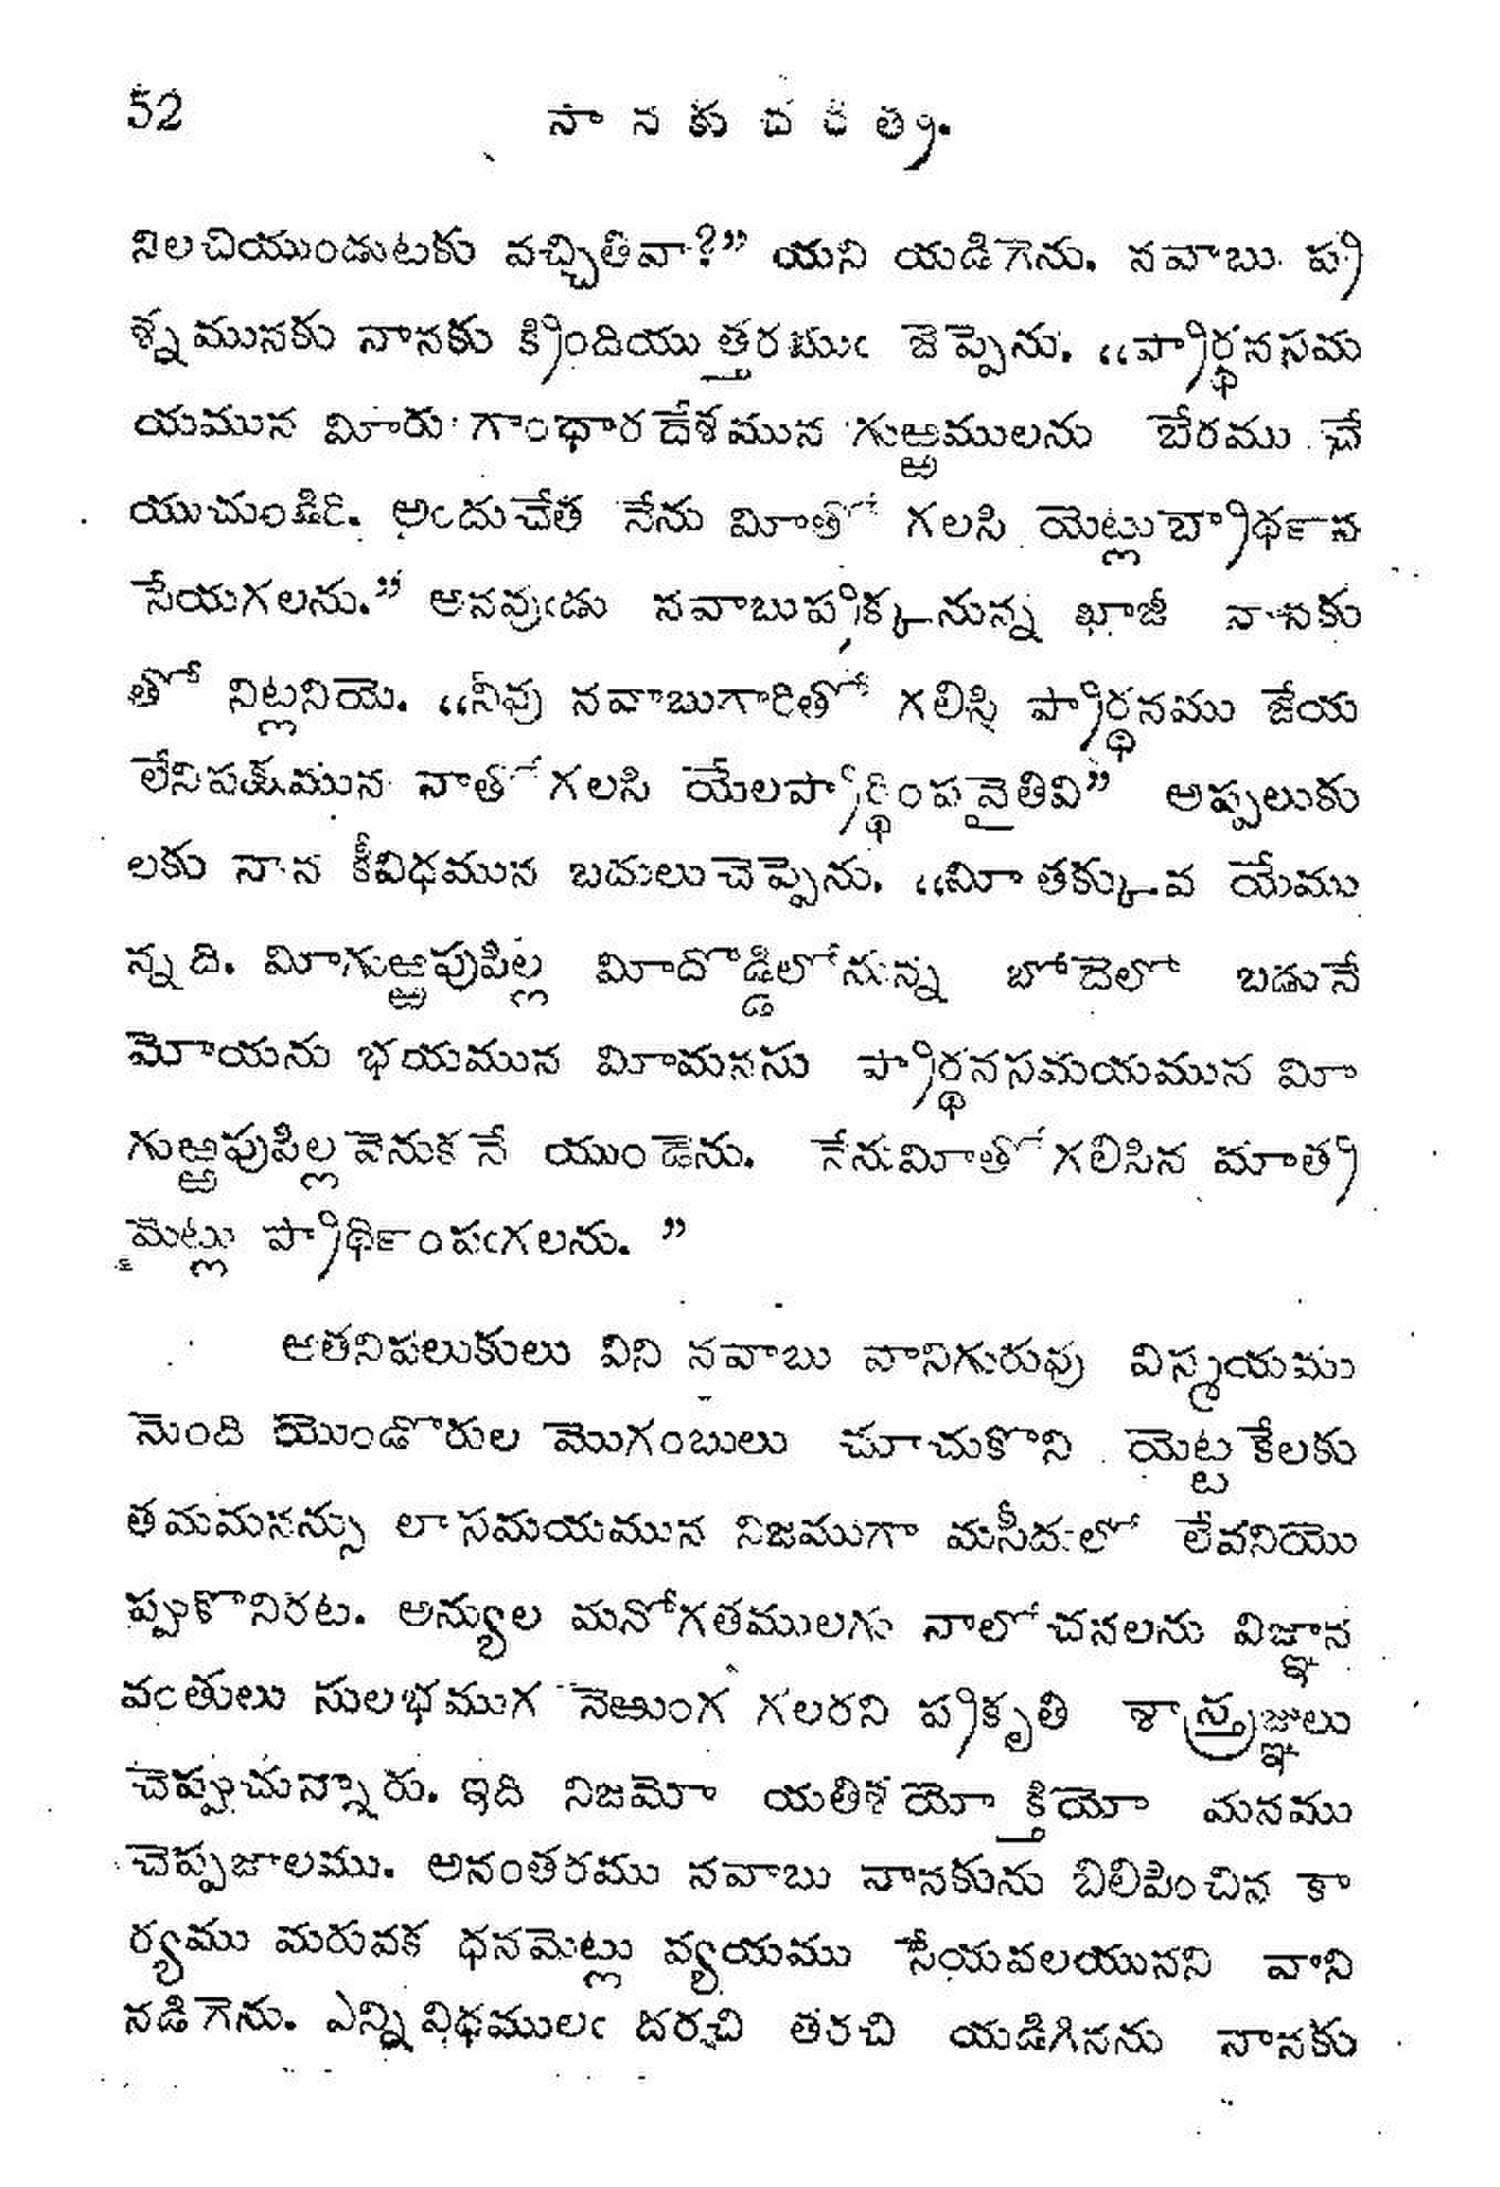నిలిచియుండుటకు వచ్చితివా?" యని యడిగెను. నవాబు ప్రశ్నమునకు నానకు క్రిందియుత్తరము జెప్పెను. "ప్రార్థనసమయమున మీరు గాంధారదేశమున గుఱ్ఱములను బేరము చేయుచుండిరి. అందుచేత నేను మీతో గలసి యెట్లుబ్రాథన్‌నసేయగలను." అనవుడు నవాబుప్రక్కనున్న ఖాజీ నానకుతో నిట్లనియె. "నీవు నవాబుగారితో గలిసి ప్రార్థనము జేయలేనిపక్షమున నాతోగలసి యేలప్రార్థింపవైతివి" అప్పలుకులకు నాన కీవిధమున బదులుచెప్పెను. "మీ తక్కువ యేమున్నది. మీగుఱ్ఱపుపిల్ల మీదొడ్డిలోనున్న బోదెలో బడునేమోయను భయమున మీమనసు ప్రార్థనసమయమున మీ గుఱ్ఱపుపిల్ల వెనుకనే యుండెను. నేనుమీతోగలిసిన మాత్రమెట్లు ప్రాథిన్ంపగలను."

అతనిపలుకులు విని నవాబు వానిగురువు విస్మయమునొంది యొండొరుల మొగంబులు చూచుకొని యెట్టకేలకు తమమనస్సు లాసమయమున నిజముగా మసీదులో లేవనియొప్పుకొనిరట. అన్యుల మనోగతములగు నాలోచనలను విజ్ఞానవంతులు సులభముగ నెఱుంగ గలరని ప్రకృతి శాస్త్రజ్ఞులు చెప్పుచున్నారు. ఇది నిజమో యతిశయోక్తియో మనము చెప్పజాలము. అనంతరము నవాబు నానకును బిలిపించిన కార్యము మరువక ధనమెట్లు వ్యయము సేయవలయునని వాని నడిగెను. ఎన్నివిధముల దరచి యడిగినను నానకు